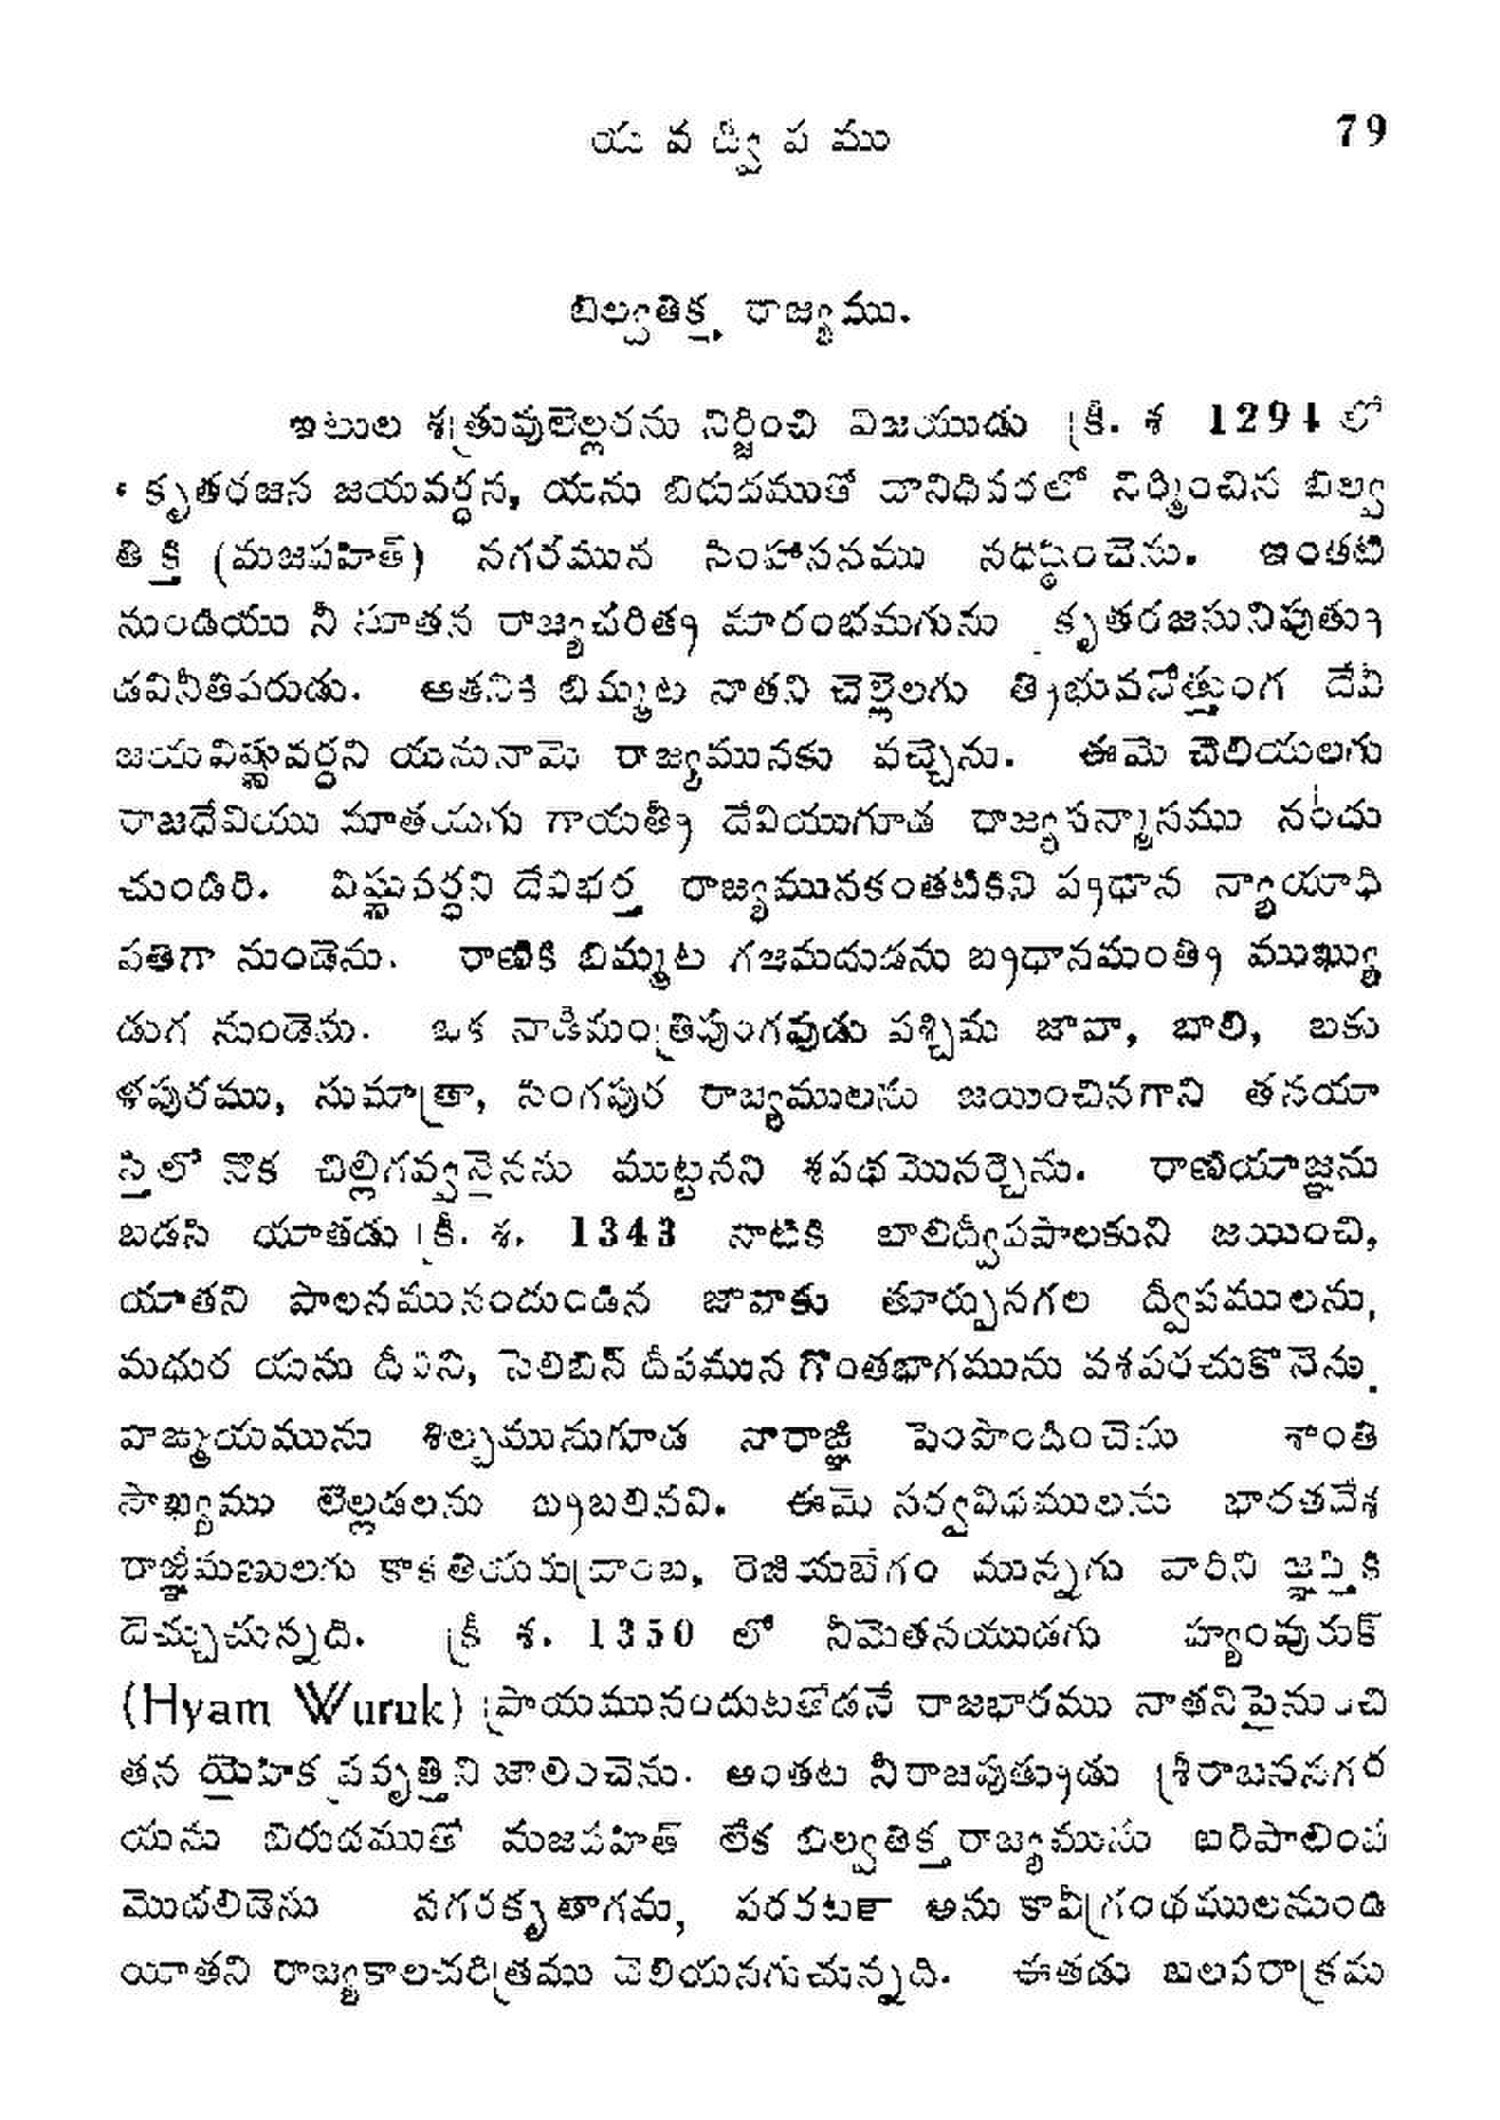ఇటుల శత్రువులెల్లరును నిర్జించి విజయుడు క్రీ. శ. 1294 లో 'కృతరజన జయవర్ధన' యను బిరుదముతో దానిధివరలో నిర్మించిన బిల్వతిక్తి (మజపహిత్) నగరమున సింహాసనము నధిష్ఠించెను. ఇంతటినుండియు నీ నూతన రాజ్యచరిత్ర మారంభమగును. కృతరజసునిపుత్రు డవినీతిపరుడు. అతనికి బిమ్మట నాతని చెల్లెలగు త్రిభువనోత్తుంగ దేవీ జయవిష్ణువర్దని యనునామె రాజ్యమునకు వచ్చెను. ఈమె చెలియలగు రాజదేవియు మాతయగు గాయత్రీ దేవియుగూడ రాజ్యసన్మానము నందుచుండిరి. విష్ణువర్దని దేవిభర్త రాజ్యమునకంతటికిని ప్రథాన న్యాయాధిపతిగా నుండెను. రాణికి బిమ్మట గజమదుడను బ్రధానమంత్రి ముఖ్యుడుగ నుండెను. ఒక నాడీమంత్రిపుంగవుడు పశ్చిమ జావా, బాలి, బకుళపురము, సుమాత్రా, సింగపుర రాజ్యములను జయించినగాని తనయాస్తిలో నొక చిల్లిగవ్వనైనను ముట్టనని శపథమొనర్చెను. రాణియాజ్ఞను బడసి యాతడు క్రీ. శ. 1343 నాటికి బాలిద్వీపపాలకుని జయించి, యాతని పాలనమునందుండిన జావాకు తూర్పునగల ద్వీపములను, మధుర యను దీవిని, సెలిబిస్ ద్వీపమున గొంతభాగమును వశపరచుకొనెను. వాఙ్మయమును శిల్పమునుగూడ నారాజ్ఞి పెంపొందించెను. శాంతి సౌఖ్యము లెల్లడలను బ్రబలినవి. ఈమె సర్వవిధములను భారతదేశ రాజ్ఞీమణులగు కాకతీయరుద్రాంబ, రెజీయబేగం మున్నగు వారిని జ్ఞప్తికి దెచ్చుచున్నది. క్రీ. శ. 1350 లో నీమెతనయుడగు హ్యంవురుక్ (Hyam Wuruk) ప్రాయమునందుటతోడనే రాజభారము నాతనిపైనుంచి తన యైహిక ప్రవృత్తిని జాలించెను. అంతట నీరాజపుత్రుడు శ్రీరాబననగరయను బిరుదముతో మజదహిత్ లేక బిల్వతిక్త రాజ్యమును బరిపాలింప మొదలిడెను. వగరకృతాగమ, పరరటన్ అను కావీగ్రంథములనుండి యీతని రాజ్యకాలచరిత్రము దెలియనగుచున్నది. ఈతడు బలపరాక్రమ